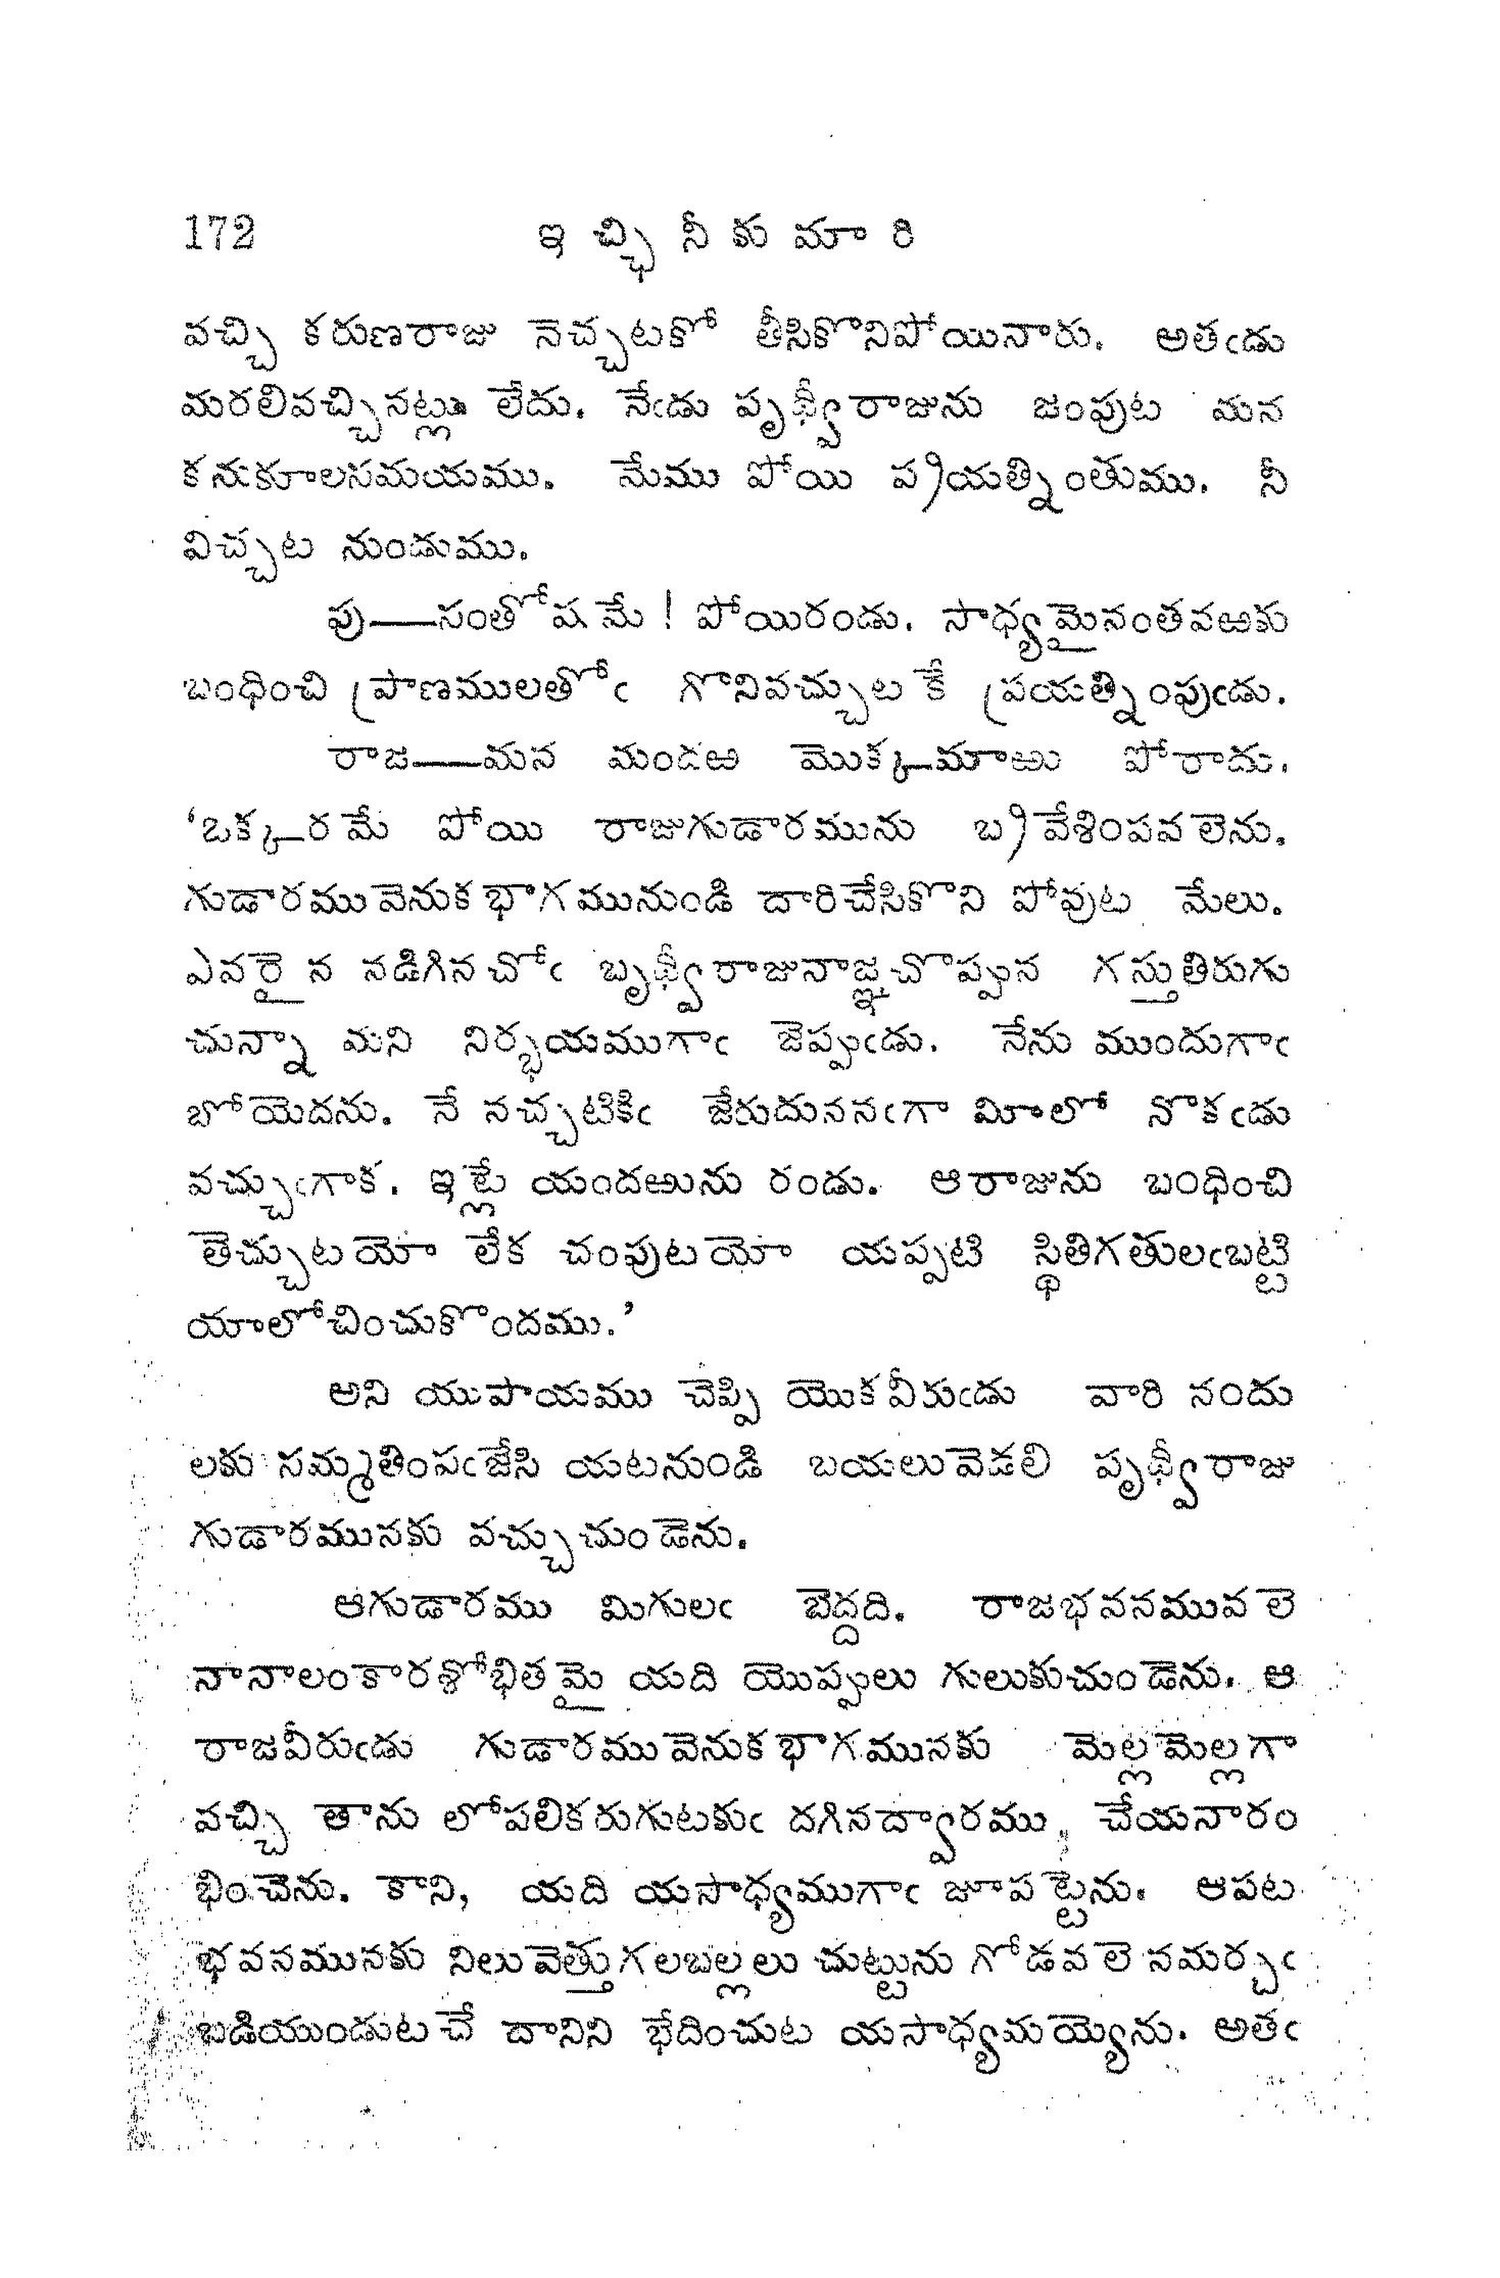రాజమన
వచ్చి కరుణ రాజు నెచ్చటకో తీసికొనిపోయినారు. అతఁడు
మరలివచ్చినట్లు లేదు. నేఁడు పృథ్వీరాజును జంపుట 'మన
కనుకూల సమయము, మేము పోయి ప్రయత్నింతుము. నీ
విచ్చట నుండుము.

పు: సంతోషమే ! పోయిరండు. సాధ్యమైనంతవఱకు
బంధించి ప్రాణములతోఁ గొనివచ్చుటకే ప్రయత్నింపుఁడు,

రా: మన మండఱ మొక్కమాటు పోరాదు.
ఒక్కర నే పోయి రాజుగుడారమును బ్రవేశింపవలెను.
గుడారము వెనుక భాగమునుండి దారి చేసికొని పోవుట మేలు.
ఎవరైన నడిగిన చోఁ బృశ్వీ రాజు నాజ్ఞ చొప్పున గస్తు తిరుగు
చున్నా మని నిర్భయముగాఁ జెప్పుఁడు. నేను ముందుగాఁ
బోయెదను. నే నచ్చటికిఁ జేరుదు ననఁగా మీలో నొకఁడు
వచ్చుఁగాక . ఇట్లే యందఱును రండు. ఆ రాజును బంధించి
తెచ్చుటయో లేక చంపుటయో యప్పటి స్థితిగతులఁబట్టి
యాలోచించుకొందము.”

అని యుపాయము చెప్పి యొక వీరుడు వారి నందు
లకు సమ్మతింపఁ జేసి యటనుండి బయలు వెడలి పృథ్వీరాజు
గుడారమునకు వచ్చుచుండెను.

ఆగుడారము మిగులఁ
బెద్దది. రాజభననమువ లె
నానాలంకారశోభితమై యది యొప్పులు గులుకుచుండెను. ఆ
రాజవీరుఁడు గుడారము వెనుక భాగమునకు మెల్ల మెల్లగా
వచ్చి తాను లోపలికరుగుటకుఁ దగిన ద్వారము ,
చేయనారంభించెను. కాని, యది యసాధ్యముగాఁ జూప ట్టెను. ఆపట
భవనమునకు నిలువెత్తు గలబల్ల లు చుట్టును గోడవ లె నమర్చ
బడియుండుటచే దానిని భేదించుట యసాధ్యమయ్యెను. అతఁ